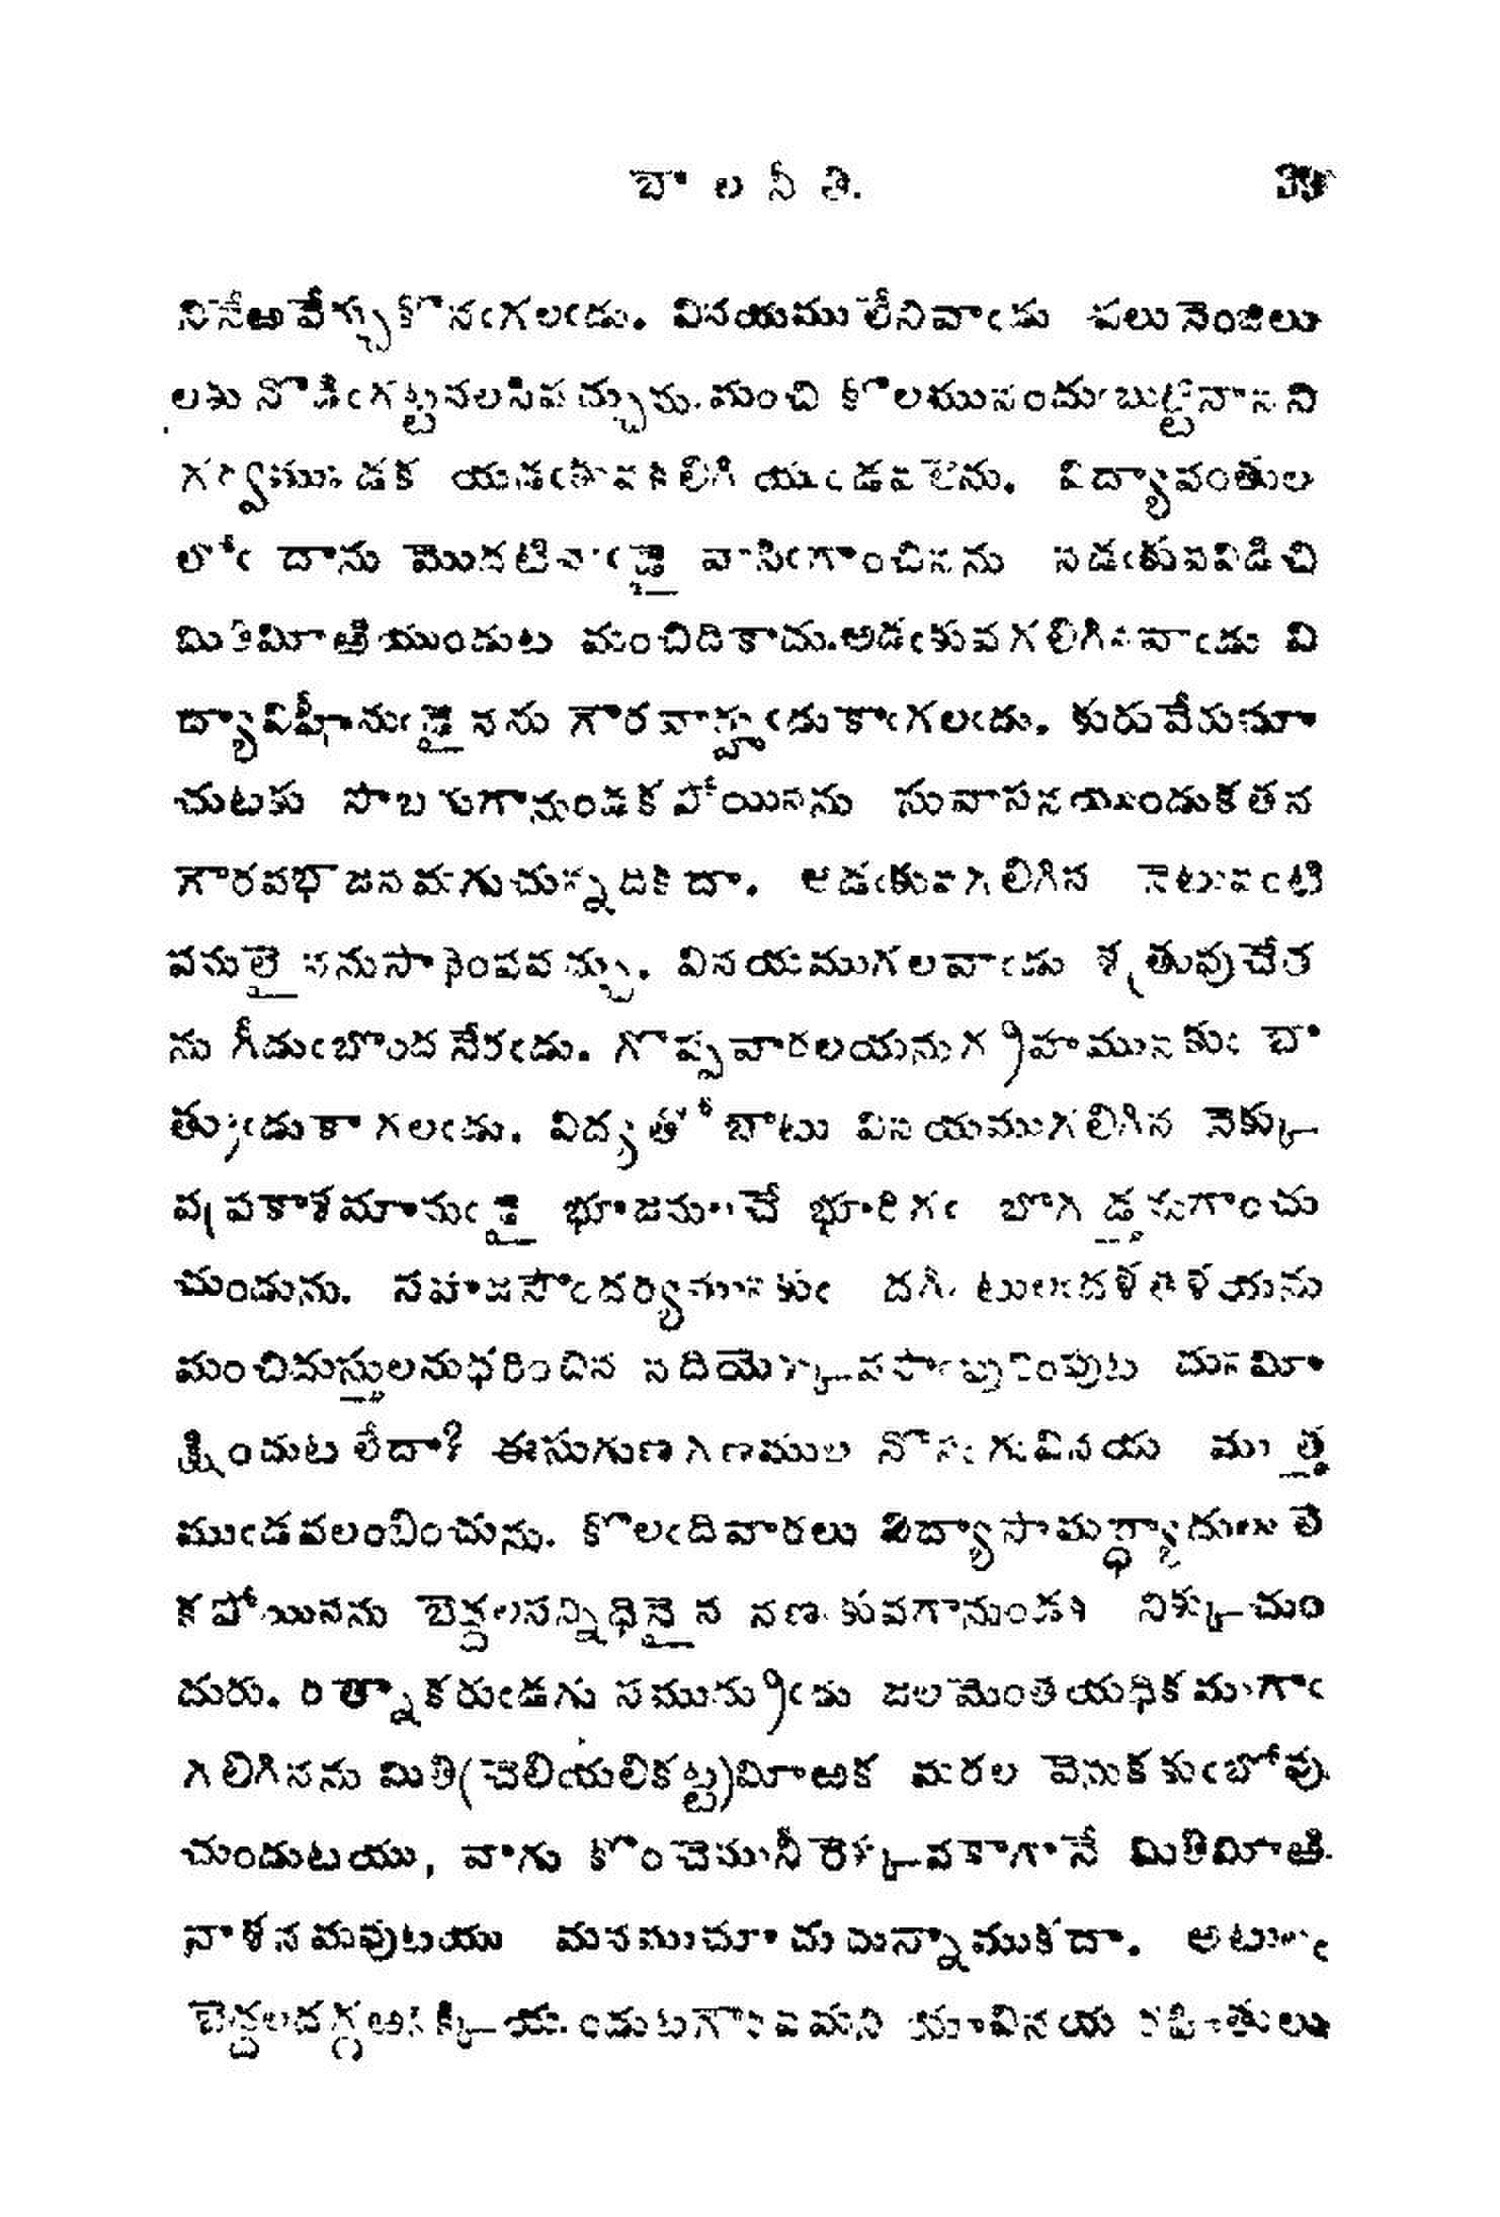నినెఱవేర్చుకొనఁగలడు. వినయములేనివాఁడు పలునెంజిలు
లకు నొడిఁగట్టవలసివచ్చును. మంచి కొలమునందుబుట్టినానని 
గర్వముపడక యఁడకువకలిగి యుండవలెను. విద్యావంతుల
లోఁ దాను మొదటివాఁడై వాసిఁగాంచినను నడఁకువవిడిచి
మితిమీఱియుండుట మంచిదికాదు. అడఁకువగలిగినవాఁడు వి
ద్యావిహీనుఁడైనను గౌరవార్హుఁడుకాఁగలఁడు. కురువేరుచూ
చుటకు సొబగుగానుండకపోయినను సువాసనయుండుకతన
గౌరవభాజనమగుచున్నదికదా. అడఁకువగలిగిన నెటువంటి
పనులైననుసాధింపవచ్చు. వినయముగలవాఁడు శత్రువుచేత
ను గీడుఁబొందనేరఁడు. గొప్పవారలయనుగ్రహమునకుఁ బా
త్రుఁడుకాగలఁడు. విద్యతోబాటు వినయముగలిగిన నెక్కు
వప్రకాశమానుడై భూజనులచే భూరిగఁ బొగడ్తనుగాంచు
చుండును. సహజసౌందర్యమునకుఁ దగినటులదళతళయను 
మంచిదుస్తులనుధరించిన నదియెక్కువసొంపునింపుట దనమీ
క్షించుట లేదా? ఈసుగుణగణముల నొసఁగువినయ ముత్త
ముడవలంబించును, కొలఁదివారలు విద్యాసామర్ధ్యాదులులే
కపోయినను బెద్దలసన్నిధినైన నణకువగానుండక నిక్కుచుం
దురు. రత్నాకరుఁడగు సముద్రుఁడు జలమెంతయధికముగాఁ
గలిగినను మితి(చెలియలికట్ట)మీఱక మరల వెనుకకుఁబోవు
చుండుటయు, వాగుకొంచెమునీరెక్కువకాగానే మితిమీఱి
నాశనమవుటయు. మనముచూచుచున్నాముకదా. అటలఁ
బెద్దలదగ్గఱనిక్కియుండుటగౌరవమని యావినయ రహితులు